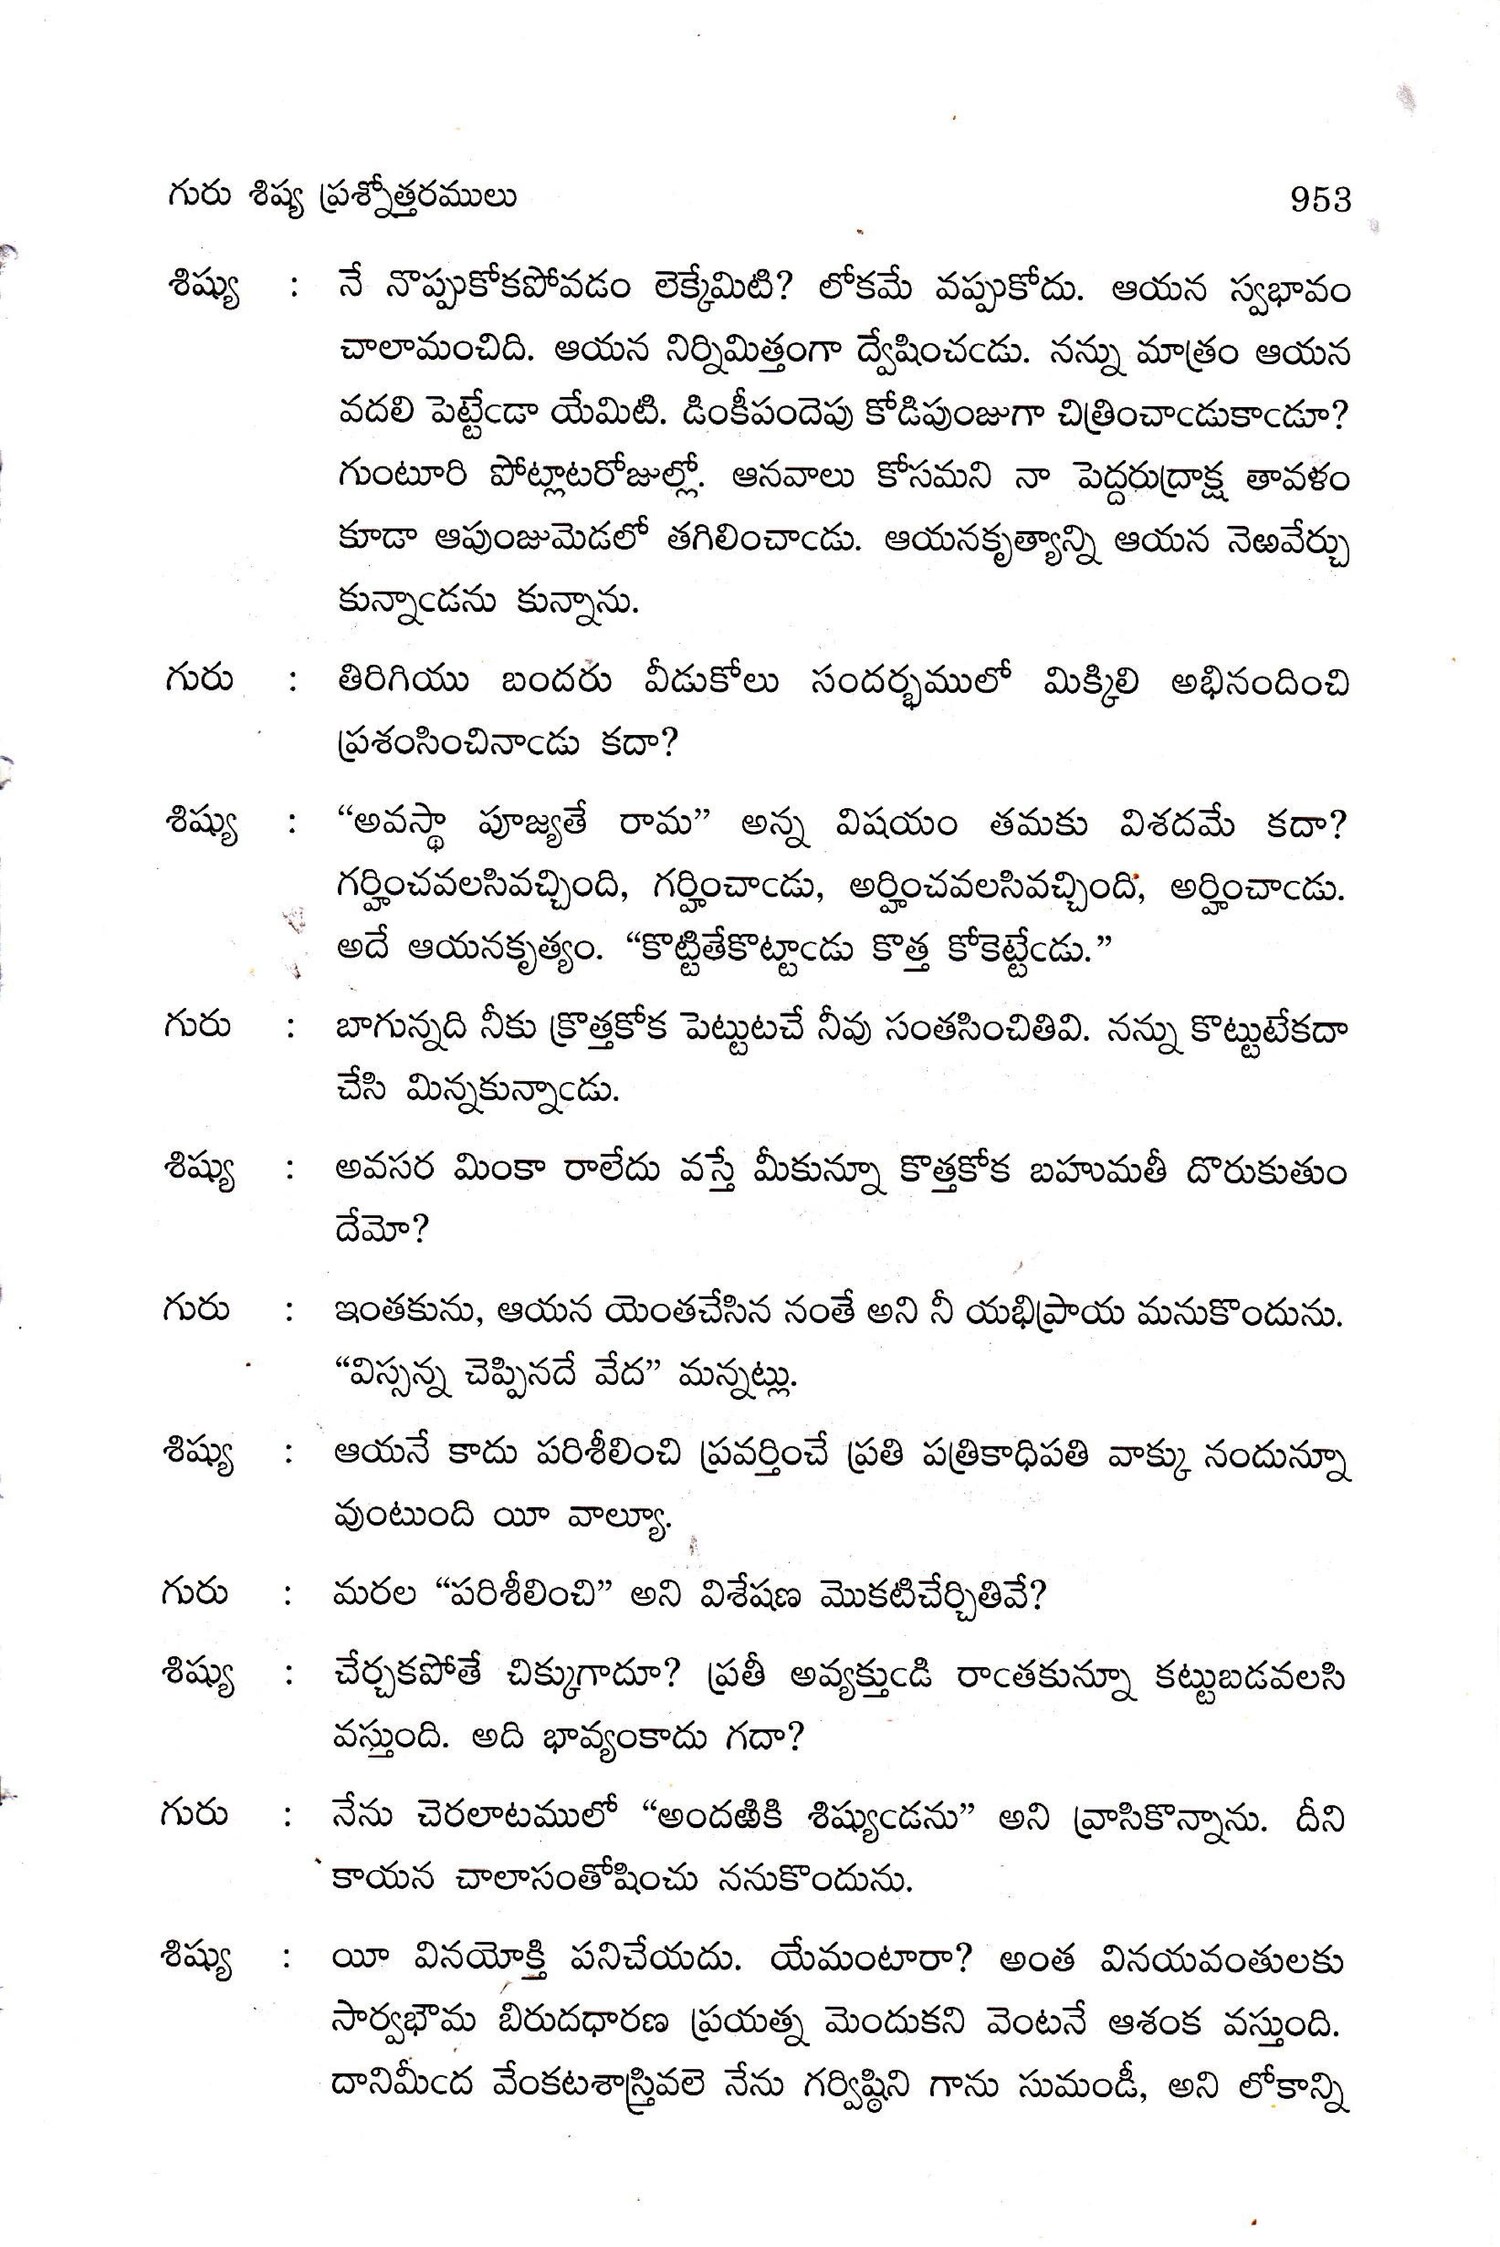శిష్యు : నే నొప్పుకోకపోవడం లెక్కేమిటి? లోకమే వప్పుకోదు. ఆయన స్వభావం చాలామంచిది. ఆయన నిర్నిమిత్తంగా ద్వేషించఁడు. నన్ను మాత్రం ఆయన వదలి పెట్టేఁడా యేమిటి. డింకీపందెపు కోడిపుంజుగా చిత్రించాఁడుకాఁడూ? గుంటూరి పోట్లాటరోజుల్లో ఆనవాలు కోసమని నా పెద్దరుద్రాక్ష తావళం కూడా ఆపుంజుమెడలో తగిలించాఁడు. ఆయనకృత్యాన్ని ఆయన నెఱవేర్చుకున్నాఁడను కున్నాను.

గురు : తిరిగియు బందరు వీడుకోలు సందర్భములో మిక్కిలి అభినందించి ప్రశంసించినాఁడు కదా?

శిష్యు : “అవస్థా పూజ్యతే రామ" అన్న విషయం తమకు విశదమే కదా? గర్హించవలసివచ్చింది, గర్హించాఁడు, అర్హించవలసివచ్చింది, అర్హించాఁడు. అదే ఆయనకృత్యం. "కొట్టితే కొట్టాఁడు కొత్త కోకెట్టేఁడు."

గురు : బాగున్నది నీకు క్రొత్తకోక పెట్టుటచే నీవు సంతసించితివి. నన్నుకొట్టుటేకదా చేసి మిన్నకున్నాఁడు. 

శిష్యు : అవసర మింకా రాలేదు వస్తే మీకున్నూ కొత్తకోక బహుమతీ దొరుకుతుందేమో? 

గురు : ఇంతకును, ఆయన యెంతచేసిన నంతే అని నీ యభిప్రాయమనుకొందును. “విస్సన్న చెప్పినదే వేద” మన్నట్లు.

శిష్యు : ఆయనే కాదు పరిశీలించి ప్రవర్తించే ప్రతి పత్రికాధిపతి వాక్కు నందున్నూ వుంటుంది యీ వాల్యూ. 

గురు : మరల "పరిశీలించి" అని విశేషణ మొకటిచేర్చితివే?

శిష్యు : చేర్చకపోతే చిక్కుగాదూ? ప్రతీ అవ్యక్తుఁడి రాఁతకున్నూ కట్టుబడవలసి వస్తుంది. అది భావ్యంకాదు గదా?

గురు : నేను చెరలాటములో “అందఱికి శిష్యుఁడను" అని వ్రాసికొన్నాను. దీని కాయన చాలాసంతోషించు ననుకొందును.

శిష్యు : యీ వినయోక్తి పనిచేయదు. యేమంటారా? అంత వినయవంతులకు సార్వభౌమ బిరుదధారణ ప్రయత్నమెందుకని వెంటనే ఆశంక వస్తుంది. దానిమీఁద వేంకటశాస్త్రివలె నేను గర్విష్టిని గాను సుమండీ, అని లోకాన్ని